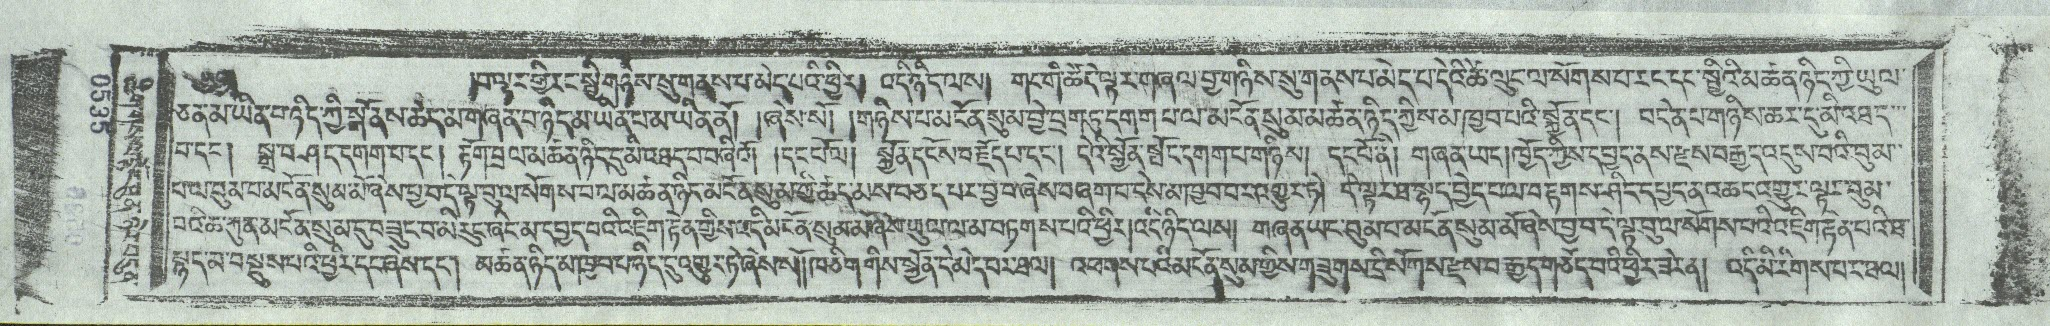༄༅། །པ་ལྟར་གྱི་རང་སྤྱི་གཉིས་སུ་གནས་པ་མེད་པའི་ཕྱིར། འདི་ཉིད་ལས། གང་གི་ཚེ་དེ་ལྟར་གཞལ་བྱ་གཉིས་སུ་གནས་པ་མེད་པ་དེའི་ཚེ་ལུང་ལ་སོགས་པ་རང་དང་སྤྱིའི་མཚན་ཉིད་ཀྱི་ཡུལ་
ཅན་མ་ཡིན་པ་ཉིད་ཀྱི་སྒོ་ནས་ཚད་མ་གཞན་པ་ཉིད་མ་ཡིན་པ་མ་ཡིན་ནོ། །ཞེས་སོ། །གཉིས་པ་མངོན་སུམ་བྱེ་བྲག་ཏུ་དགག་པ་ལ་མངོན་སུམ་མཚན་ཉིད་ཀྱིས་མ་ཁྱབ་པའི་སྐྱོན་དང་། བདེན་པ་གཉིས་ཆར་དུ་མི་འཐད་
པ་དང་། སྒྲ་བཤད་དགག་པ་དང་། རྟོག་བྲལ་མཚན་ཉིད་དུ་མི་འཐད་པ་བཞིའོ། །དང་པོ་ལ། སྐྱོན་དངོས་བརྗོད་པ་དང་། དེའི་སྐྱོན་སྤོང་དགག་པ་གཉིས། དང་པོ་ནི། གཞན་ཡང་། ཁྱོད་ཀྱིས་དཔྱད་ནས་རྫས་བརྒྱད་འདུས་པའི་བུམ་
པ་ལ་བུམ་པ་མངོན་སུམ་མོ་ཞེས་བྱ་བ་དེ་ལྟ་བུ་ལ་སོགས་པ་ལ་མཚན་ཉིད་མངོན་སུམ་གྱི་ཚད་མས་བཅད་པར་བྱ་བ་ཞེས་བཞག་པ་དེས་མ་ཁྱབ་པར་འགྱུར་ཏེ། དེ་ལྟར་ཐ་སྙད་བྱེད་པ་ལ་བརྟགས་ཤིང་དཔྱད་ན་འཆད་འགྱུར་ལྟར་བུམ་
པའི་ཆ་ཀུན་མངོན་སུམ་དུ་བཟུང་བ་མི་རུང་ཞིང་མ་དཔྱད་པའི་འཇིག་རྟེན་གྱིས་འདི་མངོན་སུམ་མོ་ཞེས་ཡུལ་ལ་མ་བཏགས་པའི་ཕྱིར། འདི་ཉིད་ལས། གཞན་ཡང་བུམ་པ་མངོན་སུམ་མོ་ཞེས་བྱ་བ་དེ་ལྟ་བུ་ལ་སོགས་པའི་འཇིག་རྟེན་པའི་ཐ་
སྙད་མ་བསྡུས་པའི་ཕྱིར་དང་ཞེས་དང་། མཚན་ཉིད་མ་ཁྱབ་པ་ཉིད་དུ་འགྱུར་ཏེ་ཞེས་སོ། །ཁ་ཅིག་གིས་སྐྱོན་དེ་མེད་པར་ཐལ། འཕགས་པའི་མངོན་སུམ་གྱིས་གཟུགས་དྲི་སོགས་རྫས་བརྒྱད་གཅོད་པའི་ཕྱིར་ཟེར་ན། འདི་མི་རིགས་པར་ཐལ།